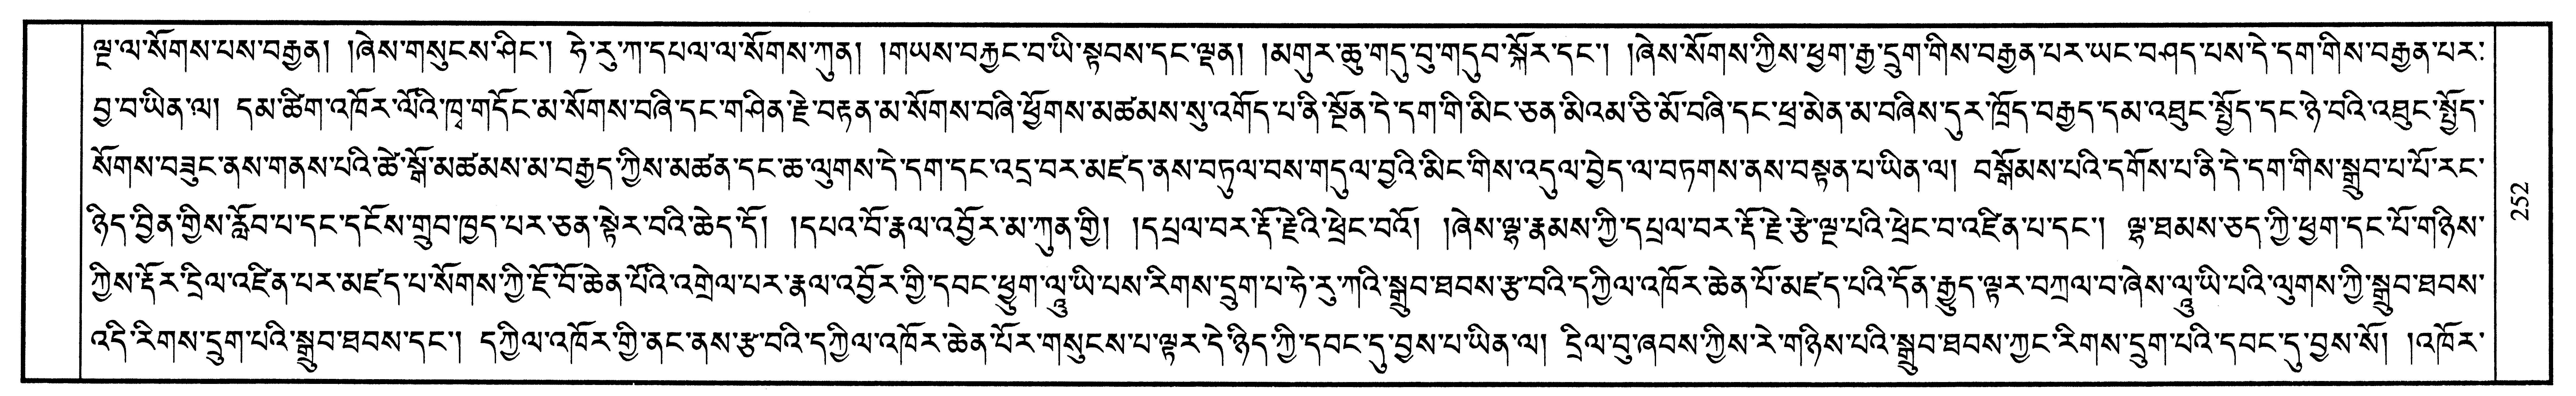ལྔ་ལ་སོགས་པས་བརྒྱན། །ཞེས་གསུངས་ཤིང་། ཧེ་རུ་ཀ་དཔལ་ལ་སོགས་ཀུན། །གཡས་བརྐྱང་བ་ཡི་སྟབས་དང་ལྡན། །མགུར་ཆུ་གདུ་བུ་གདུབ་སྐོར་དང་། །ཞེས་སོགས་ཀྱིས་ཕྱག་རྒྱ་དྲུག་གིས་བརྒྱན་པར་ཡང་བཤད་པས་དེ་དག་གིས་བརྒྱན་པར་
བྱ་བ་ཡིན་ལ། དམ་ཚིག་འཁོར་ལོའི་ཁྭ་གདོང་མ་སོགས་བཞི་དང་གཤིན་རྗེ་བརྟན་མ་སོགས་བཞི་ཕྱོགས་མཚམས་སུ་འགོད་པ་ནི་སྔོན་དེ་དག་གི་མིང་ཅན་མིའམ་ཅི་མོ་བཞི་དང་ཕྲ་མེན་མ་བཞིས་དུར་ཁྲོད་བརྒྱད་དམ་འཐུང་སྤྱོད་དང་ཉེ་བའི་འཐུང་སྤྱོད་
སོགས་བཟུང་ནས་གནས་པའི་ཚེ་སྒོ་མཚམས་མ་བརྒྱད་ཀྱིས་མཚན་དང་ཆ་ལུགས་དེ་དག་དང་འདྲ་བར་མཛད་ནས་བཏུལ་བས་གདུལ་བྱའི་མིང་གིས་འདུལ་བྱེད་ལ་བཏགས་ནས་བསྟན་པ་ཡིན་ལ། བསྒོམས་པའི་དགོས་པ་ནི་དེ་དག་གིས་སྒྲུབ་པ་པོ་རང་
ཉིད་བྱིན་གྱིས་རློབ་པ་དང་དངོས་གྲུབ་ཁྱད་པར་ཅན་སྟེར་བའི་ཆེད་དོ། །དཔའ་བོ་རྣལ་འབྱོར་མ་ཀུན་གྱི། །དཔྲལ་བར་རྡོ་རྗེའི་ཕྲེང་བའོ། །ཞེས་ལྷ་རྣམས་ཀྱི་དཔྲལ་བར་རྡོ་རྗེ་རྩེ་ལྔ་པའི་ཕྲེང་བ་འཛིན་པ་དང་། ལྷ་ཐམས་ཅད་ཀྱི་ཕྱག་དང་པོ་གཉིས་
ཀྱིས་རྡོར་དྲིལ་འཛིན་པར་མཛད་པ་སོགས་ཀྱི་ཇོ་བོ་ཆེན་པོའི་འགྲེལ་པར་རྣལ་འབྱོར་གྱི་དབང་ཕྱུག་ལཱུ་ཡི་པས་རིགས་དྲུག་པ་ཧེ་རུ་ཀའི་སྒྲུབ་ཐབས་རྩ་བའི་དཀྱིལ་འཁོར་ཆེན་པོ་མཛད་པའི་དོན་རྒྱུད་ལྟར་བཀྲལ་བ་ཞེས་ལཱུ་ཡི་པའི་ལུགས་ཀྱི་སྒྲུབ་ཐབས་
འདི་རིགས་དྲུག་པའི་སྒྲུབ་ཐབས་དང་། དཀྱིལ་འཁོར་གྱི་ནང་ནས་རྩ་བའི་དཀྱིལ་འཁོར་ཆེན་པོར་གསུངས་པ་ལྟར་དེ་ཉིད་ཀྱི་དབང་དུ་བྱས་པ་ཡིན་ལ། དྲིལ་བུ་ཞབས་ཀྱིས་རེ་གཉིས་པའི་སྒྲུབ་ཐབས་ཀྱང་རིགས་དྲུག་པའི་དབང་དུ་བྱས་སོ། །འཁོར་